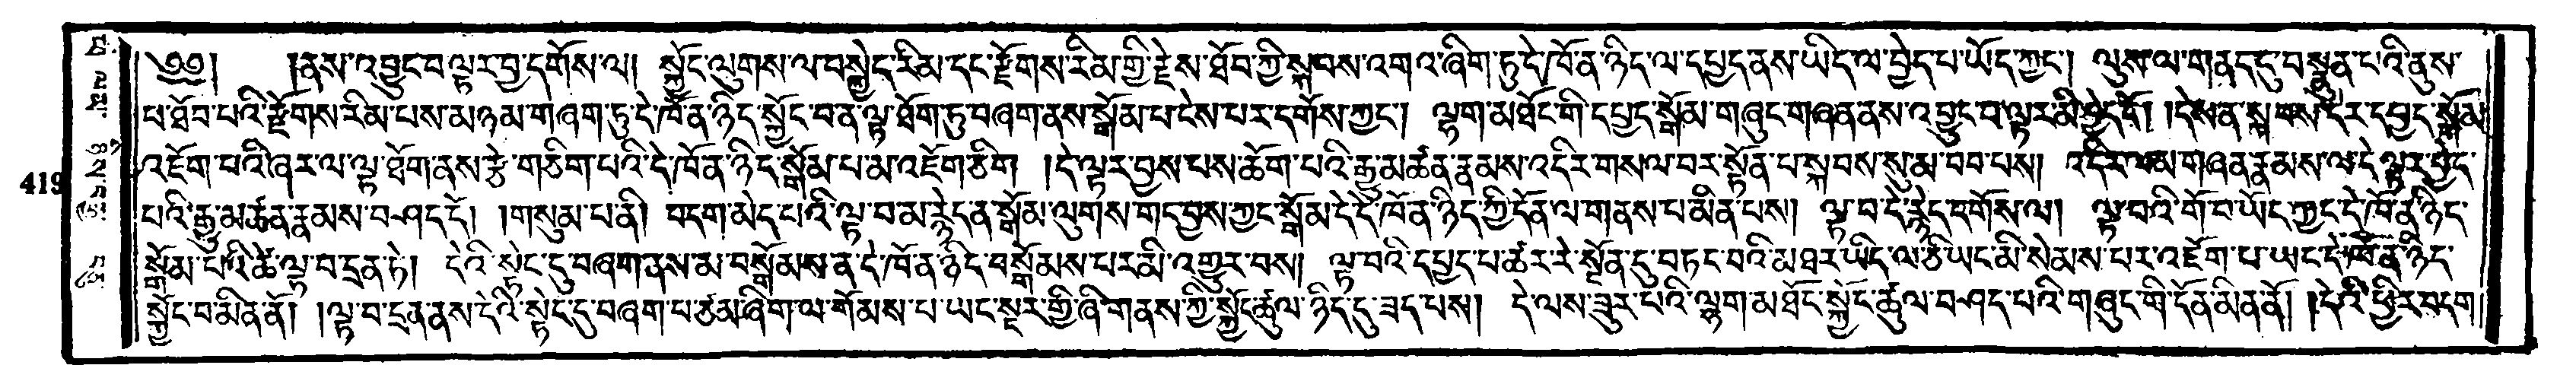༄༅། །ནས་འབྱུང་བ་ལྟར་བྱ་དགོས་ལ། སྐྱོང་ལུགས་ལ་བསྐྱེད་རིམ་དང་རྫོགས་རིམ་གྱི་རྗེས་ཐོབ་ཀྱི་སྐབས་འགའ་ཞིག་ཏུ་དེ་ཁོ་ན་ཉིད་ལ་དཔྱད་ནས་ཡིད་ལ་བྱེད་པ་ཡོད་ཀྱང་། ལུས་ལ་གནད་དུ་བསྣུན་པའི་ནུས་
པ་ཐོབ་པའི་རྫོགས་རིམ་པས་མཉམ་གཞག་ཏུ་དེ་ཁོ་ན་ཉིད་སྐྱོང་བ་ན་ལྟ་ཐོག་ཏུ་བཞག་ནས་སྒོམ་པ་ངེས་པར་དགོས་ཀྱང་། ལྷག་མཐོང་གི་དཔྱད་སྒོམ་གཞུང་གཞན་ནས་འབྱུང་བ་ལྟར་མི་བྱེད་དོ། །དེས་ན་སྐབས་དེར་དཔྱད་སྒོམ་
འཇོག་པའི་ཞར་ལ་ལྟ་ཐོག་ནས་རྩེ་གཅིག་པའི་དེ་ཁོ་ན་ཉིད་སྒོམ་པ་མ་འཇོག་ཅིག །དེ་ལྟར་བྱས་པས་ཆོག་པའི་རྒྱུ་མཚན་རྣམས་འདིར་གསལ་བར་སྟོན་པ་སྐབས་སུ་མ་བབ་པས། འདིར་ལམ་གཞན་རྣམས་ལ་དེ་ལྟར་བྱེད་
པའི་རྒྱུ་མཚན་རྣམས་བཤད་དོ། །གསུམ་པ་ནི། བདག་མེད་པའི་ལྟ་བ་མ་རྙེད་ན་སྒོམ་ལུགས་གང་བྱས་ཀྱང་སྒོམ་དེ་དེ་ཁོ་ན་ཉིད་ཀྱི་དོན་ལ་གནས་པ་མིན་པས། ལྟ་བ་དེ་རྙེད་དགོས་ལ། ལྟ་བའི་གོ་བ་ཡོང་ཀྱང་དེ་ཁོ་ན་ཉིད་
སྒོམ་པའི་ཚེ་ལྟ་བ་དྲན་ཏེ། དེའི་སྟེང་དུ་བཞག་ནས་མ་བསྒོམས་ན་དེ་ཁོ་ན་ཉིད་བསྒོམས་པར་མི་འགྱུར་བས། ལྟ་བའི་དཔྱད་པ་ཚར་རེ་སྔོན་དུ་བཏང་བའི་མཐར་ཡིད་ལ་ཅི་ཡང་མི་སེམས་པར་འཇོག་པ་ཡང་དེ་ཁོ་ན་ཉིད་
སྐྱོང་བ་མིན་ནོ། །ལྟ་བ་དྲན་ནས་དེའི་སྟེང་དུ་བཞག་པ་ཙམ་ཞིག་ལ་གོམས་པ་ཡང་སྔར་གྱི་ཞི་གནས་ཀྱི་ཀྱོང་ཚུལ་ཉིད་དུ་ཟད་པས། དེ་ལས་ཟུར་པའི་ལྷག་མཐོང་སྐྱོང་ཚུལ་བཤད་པའི་གཞུང་གི་དོན་མིན་ནོ། །དེའི་ཕྱིར་བདག་